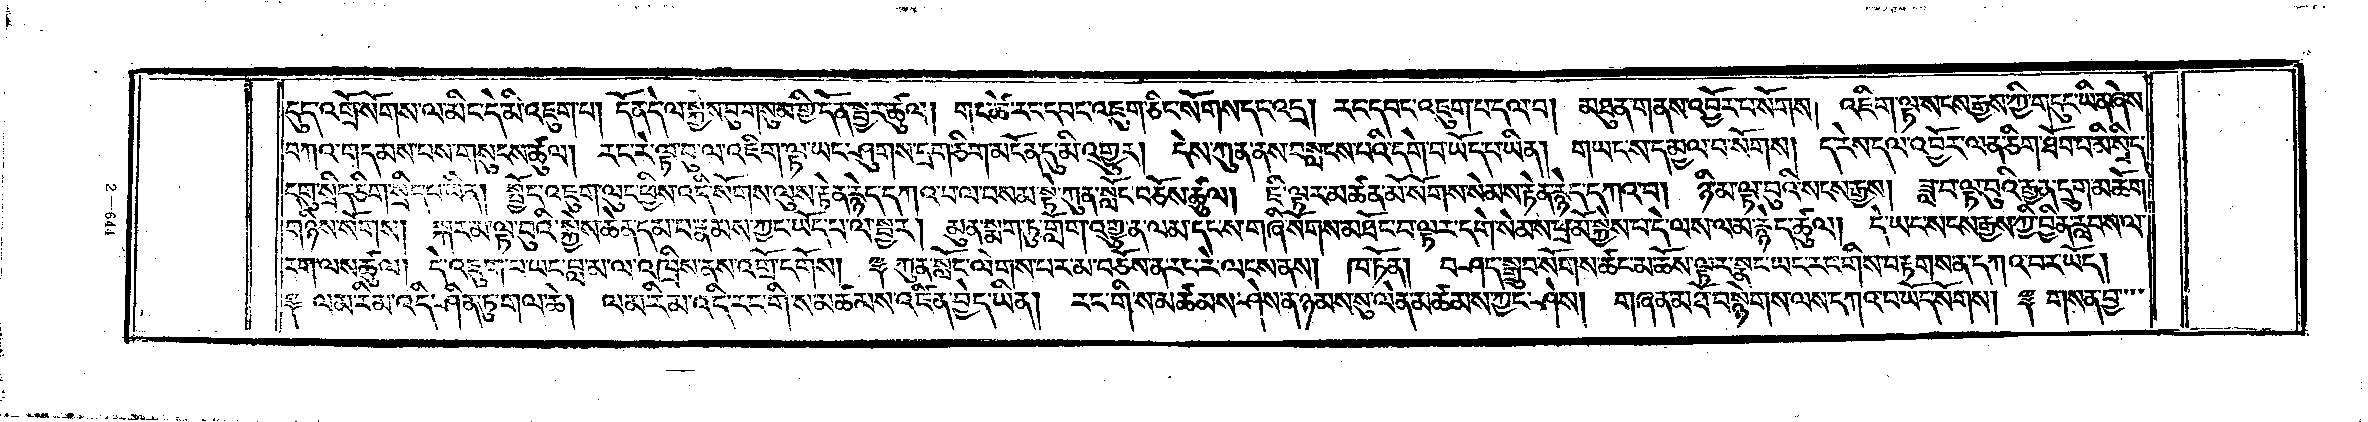དུད་འགྲོ་སོགས་ལ་མིང་དེ་མི་འཇུག་པ། དོན་དེ་ལ་སྐྱེས་བུ་གསུམ་གྱི་དོན་སྦྱར་ཚུལ། གང་ཚེ་རང་དབང་འཇུག་ཅིང་སོགས་དང་འདྲ། རང་དབང་འཇུག་པ་དལ་བ། མཐུན་གནས་འབྱོར་པ་སོགས། འཇིག་ལྟ་སངས་རྒྱས་ཀྱི་གདུང་ཡིན་ཞེས་
བཀའ་གདམས་པས་གསུངས་ཚུལ། རང་རེ་ལྟ་བུ་ལ་འཇིག་ལྟ་ཡང་ཤུགས་དྲག་ཅིག་མངོན་དུ་མི་འགྱུར། དེས་ཀུན་ནས་བསླངས་པའི་དགེ་བ་ཡོད་པ་ཡིན། གཡང་ས་དམྱལ་བ་སོགས། ད་རེས་དལ་འབྱོར་ལན་ཅིག་ཐོབ་པ་མི་སྲིད་
དགུ་སྲིད་ཅིག་སྲིད་པ་ཡིན། སྤྱོད་འཇུག་ལུང་ཕྱིས་འདི་སོགས་ལུས་རྟེན་རྙེད་དཀའ་བ་ལ་བསམ་སྟེ་ཀུན་སློང་བཅོས་ཚུལ། ཇི་ལྟར་མཚན་མོ་སོགས་སེམས་རྟེན་རྙེད་དཀའ་བ། ཉི་མ་ལྟ་བུའི་སངས་རྒྱས། ཟླ་བ་ལྟ་བུའི་རྒྱན་དྲུག་མཆོག་
གཉིས་སོགས། སྐར་མ་ལྟ་བུའི་སྐྱེས་ཆེན་དམ་པ་རྣམས་ཀྱང་ཡོད་པ་ལ་སྦྱར། མུན་སྨག་ཏུ་གློག་འགྱུན་ལམ་དང་ས་གཞི་སོགས་མཐོང་བ་ལྟར་དགེ་སེམས་ཕྲ་མོ་སྐྱེས་པ་དེ་ལས་ལམ་རྙེད་ཚུལ། དེ་ཡང་སངས་རྒྱས་ཀྱི་བྱིན་རླབས་ལ་
རག་ལས་ཚུལ། དེ་འཇུག་པ་ཡང་བླ་མ་ལ་འཁྲིས་ནས་འགྲོ་དགོས། ༈ ཀུན་སློང་ལེགས་པར་མ་བཅོས་ན་རང་རེ་ལངས་ནས། ཁ་ཏོན། བཤད་སྒྲུབ་སོགས་ཚང་མ་ཆོས་ལྟར་སྣང་ཡང་རང་གིས་བརྟགས་ན་དཀའ་བར་ཡོད།
༈ ལམ་རིམ་འདི་ཤིན་ཏུ་གལ་ཆེ། ལམ་རིམ་འདི་རང་གི་ས་མཚམས་འཛིན་བྱེད་ཡིན། རང་གི་ས་མཚམས་ཤེས་ན་ཉམས་སུ་ལེན་མཚམས་ཀྱང་ཤེས། གཞན་མཐོ་བསྙེགས་ལས་དཀའ་བ་ཡོད་སོགས། ༈ གསན་བྱ་